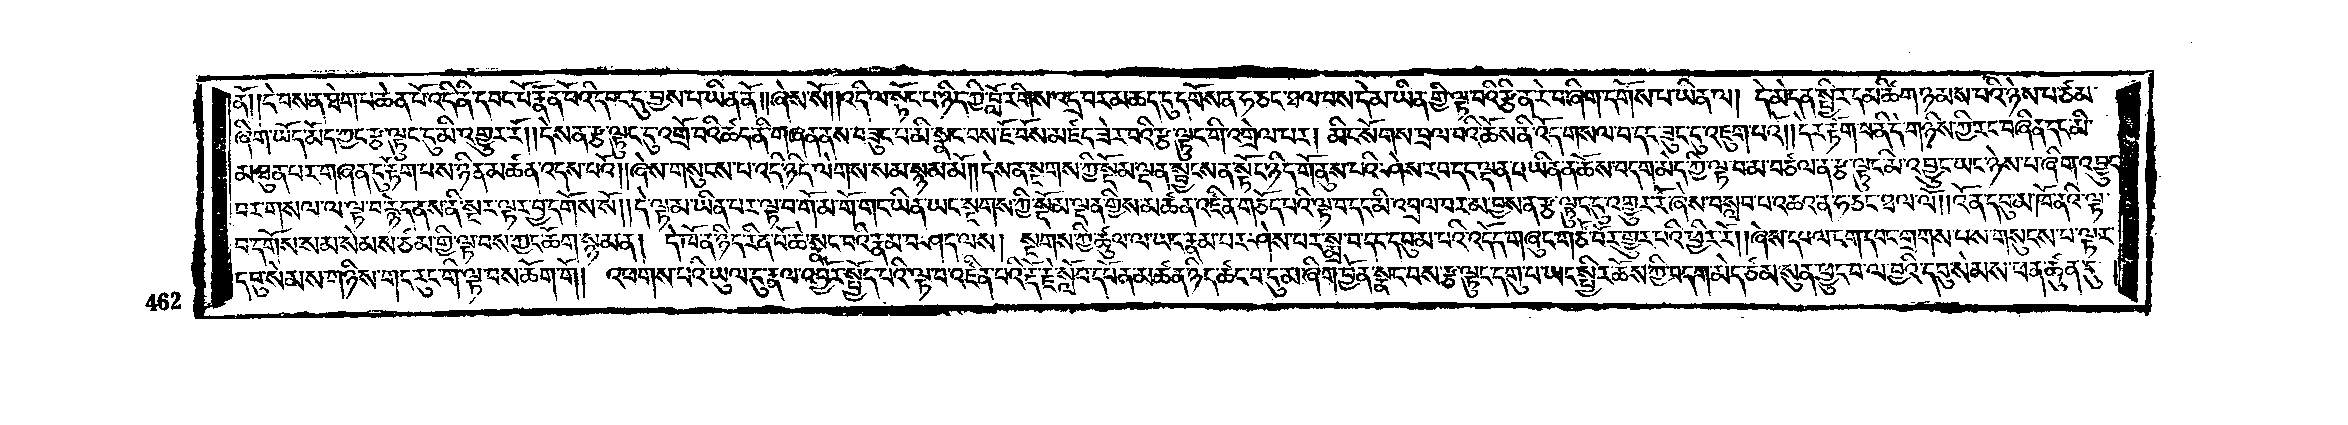ནོ། །དེ་བས་ན་ཐེག་པ་ཆེན་པོ་འདི་ནི་དབང་པོ་རྣོན་པོའི་དབང་དུ་བྱས་པ་ཡིན་ནོ། །ཞེས་སོ། །འདི་ལ་སྟོང་པ་ཉིད་ཀྱི་བློ་རིགས་འདྲ་བར་མ་ཆད་དུ་དགོས་ན་ཧ་ཅང་ཐལ་བས་དེ་མ་ཡིན་གྱི་ལྟ་བའི་རྩི་ན་རེ་བ་ཞིག་དགོས་པ་ཡིན་ལ། དེ་མེད་ན་སྤྱིར་དམ་ཚིག་ཉམས་པའི་ཉེས་པ་ཙམ་
ཞིག་ཡོད་མོད་ཀྱང་རྩ་ལྟུང་དུ་མི་འགྱུར་རོ། །དེས་ན་རྩ་ལྟུང་དུ་འགྲོ་བའི་ཚད་ནི་གཞན་ནས་བཟུང་པ་མི་སྣང་བས་ཇོ་བོས་མཛད་ཟེར་བའི་རྩ་ལྟུང་གི་འགྲེལ་པར། མིང་སོགས་བྲལ་བའི་ཆོས་ནི་འོད་གསལ་བ་དང་ཟུང་དུ་འཇུག་པའོ། །དེར་རྟོག་པ་ནི་དེ་གཉིས་ཀྱི་རང་བཞིན་དང་མི་
མཐུན་པར་གཞན་དུ་རོག་པས་ཉིན་མཚན་འདས་པའོ། །ཞེས་གསུངས་པ་འདི་ཉིད་ལེགས་སམ་སྙམ་མོ། །དེས་ན་སྔགས་ཀྱི་སྡོམ་ལྡན་སྦྱངས་ན་སྟོང་ཉིད་དོ་ནུས་པའི་ཤེས་རབ་དང་ལྡན་པ་ཡིན་ན་ཆོས་བདག་མེད་ཀྱི་ལྟ་བ་མ་བཙལ་ན་རྩ་ལྟུང་མི་འབྱུང་ཡང་ཉེས་པ་ཞིག་འབྱུང་
བར་གསལ་ལ་ལྟ་བ་རྙེད་ནས་ནི་སྔར་ལྟར་བྱ་དགོས་སོ། །དེ་ལྟ་མ་ཡིན་པར་ལྟ་བ་གོ་མ་གོ་གང་ཡིན་ཡང་སྔགས་ཀྱི་སྡོམ་ལྡན་གྱིས་མཚན་འཛིན་གཅོད་པའི་ལྟ་བ་དང་མི་འབྲལ་བར་མ་བྱས་ན་རྩ་ལྟུང་དུ་འགྱུར་རོ་ཞེས་བསླབ་པ་འཆའ་ན་ཧ་ཅང་ཐལ་ལོ། །འོ་ན་དབུ་མ་ཁོ་ནའི་ལྟ་
བ་དགོས་སམ་སེམས་ཙམ་གྱི་ལྟ་བས་ཀྱང་ཆོག་སྙམ་ན། དེ་ཁོ་ན་ཉིད་རིན་པོ་ཆེ་སྣང་བའི་རྣམ་བཤད་ལས། སྔགས་ཀྱི་ཚུལ་ལ་ཡང་རྣམ་པར་ཤེས་པར་སྨྲ་བ་དང་དབུ་མ་པའི་འདོད་གཞུང་གཙོ་བོར་གྱུར་པའི་ཕྱིར་རོ། །ཞེས་དཔལ་ངག་དབང་གྲགས་པས་གསུངས་པ་ལྟར་
དབུ་སེམས་གཉིས་གང་རུང་གི་ལྟ་བས་ཆོག་གོ །འཕགས་པའི་ཡུལ་དུ་རྣལ་འབྱོར་སྤྱོད་པའི་ལྟ་བ་འཛིན་པའི་རྡོ་རྗེ་སློབ་དཔོན་མཚན་ཉིད་ཚང་བ་དུ་མ་ཞིག་བྱོན་སྣང་བས་རྩ་ལྟུང་དགུ་པ་ཡང་སྤྱིར་ཆོས་ཀྱི་བདག་མེད་ཙམ་སུན་ཕྱུང་བ་ལ་བྱའི་དབུ་སེམས་ཕན་ཚུན་དུ་